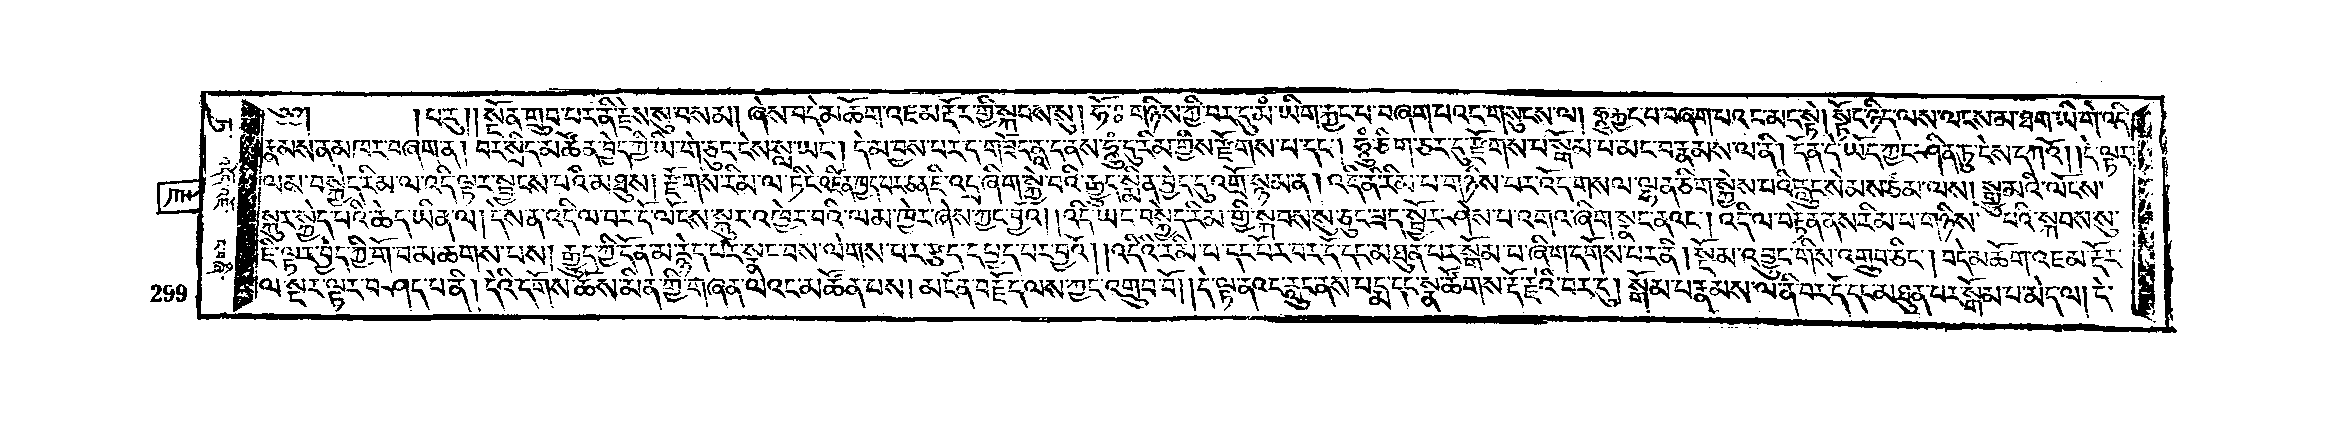༄༅། །པ་རུ། །སྔོན་གྲུབ་པར་ནི་རྗེས་སུ་བསམ། ཞེས་བདེ་མཆོག་འཇམ་རྡོར་གྱི་སྐབས་སུ། ཧོཿ གཉིས་ཀྱི་བར་དུ་མཾ་ཡིག་རྐྱང་པ་བཞག་པའང་གསུངས་ལ། ཧཱུཾ་རྐྱང་པ་བཞག་པའང་མང་སྟེ། སྟོང་ཉིད་ལས་ལངས་མ་ཐག་ཡི་གེ་འདི་
རྣམས་ནམ་མཁར་བཞག་ན། བར་སྲིད་མཚོན་བྱེད་ཀྱི་ཡི་གེ་ཅུང་ངེས་སླ་ཡང་། དེ་མ་བྱས་པར་ད་གཟོད་ནཱ་ད་ནས་ཧཱུཾ་དུ་རིམ་གྱིས་རྫོགས་པ་དང་། ཧཱུཾ་ཅིག་ཅར་དུ་རྫོགས་པ་སྒོམ་པ་མང་བ་རྣམས་ལ་ནི། དོན་དེ་ཡོད་ཀྱང་ཤིན་ཏུ་ངེས་དཀའོ། །དེ་ལྟར་
ལམ་བསྐྱེད་རིམ་ལ་འདི་ལྟར་སྦྱངས་པའི་མཐུས། རྫོགས་རིམ་ལ་ཏིང་ངེ་འཛིན་ཁྱད་པར་ཅན་ཇི་འདྲ་ཞིག་སྐྱེ་བའི་རྒྱུད་སྨིན་བྱེད་དུ་འགྲོ་སྙམ་ན། འདི་ནི་རིམ་པ་གཉིས་པར་འོད་གསལ་ལྷན་ཅིག་སྐྱེས་པའི་རླུང་སེམས་ཙམ་ལས། སྒྱུ་མའི་ལོངས་
སྐུར་སྐྱེད་པའི་ཆེད་ཡིན་ལ། དེས་ན་འདི་ལ་བར་དོ་ལོངས་སྐུར་འཁྱེར་བའི་ལམ་ཁྱེར་ཞེས་ཀྱང་བྱའོ། །འདི་ཡང་བསྐྱེད་རིམ་གྱི་སྐབས་སུ་ཅུང་ཟད་སྦྱོར་ཤེས་པ་འགའ་ཞིག་སྣང་ནའང་། འདི་ལ་བརྟེན་ནས་རིམ་པ་གཉིས་པའི་སྐབས་སུ་
ཇི་ལྟར་བྱེད་ཀྱི་གོ་བ་མ་ཆགས་པས། རྒྱུད་ཀྱི་དོན་མ་རྙེད་པར་སྣང་བས་ལེགས་པར་རྩད་དཔྱད་པར་བྱའོ། །འདིའི་རིམ་པ་དང་པོར་བར་དོ་དང་མཐུན་པར་སྒོམ་པ་ཞིག་དགོས་པར་ནི། སྡོམ་འབྱུང་གིས་འགྲུབ་ཅིང་། བདེ་མཆོག་འཇམ་རྡོར་
ལ་སྔར་ལྟར་བཤད་པ་ནི། དེའི་དགོས་ཆོས་མིན་གྱི་གཞན་ལའང་མཚོན་པས། མངོན་བརྗོད་ལས་ཀྱང་འགྲུབ་བོ། །དེ་ལྟ་ནའང་རླུང་ནས་པདམ་དང་སྣ་ཚོགས་རྡོ་རྗེའི་བར་དུ། སྒོམ་པ་རྣམས་ལ་ནི་བར་དོ་དང་མཐུན་པར་སྒོམ་པ་མེད་ལ། དེ་